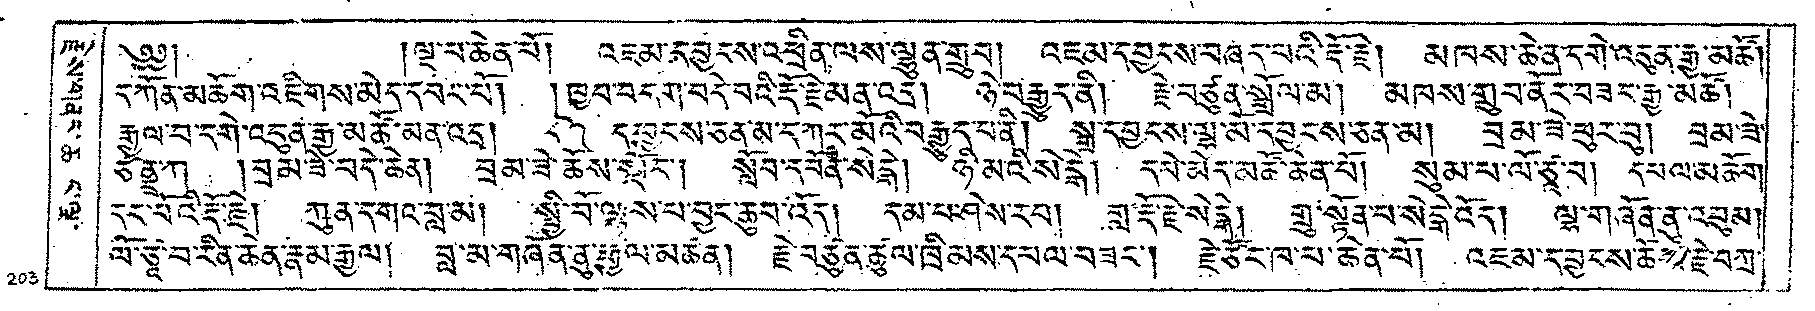༄༅། །ལྔ་པ་ཆེན་པོ། འཇམ་དབྱངས་འཕྲིན་ལས་ལྷུན་གྲུབ། འཇམ་དབྱངས་བཞད་པའི་རྡོ་རྗེ། མཁས་ཆེན་དགེ་འདུན་རྒྱ་མཚོ།
དཀོན་མཆོག་འཇིགས་མེད་དབང་པོ། །ཁྱབ་བདག་བདེ་བའི་རྡོ་རྗེ་མན་འདྲ། ཉེ་བརྒྱུད་ནི། རྗེ་བཙུན་སྒྲོལ་མ། མཁས་གྲུབ་ནོར་བཟང་རྒྱ་མཚོ།
རྒྱལ་བ་དགེ་འདུན་རྒྱ་མཚོ་མན་འདྲ། ༨?་དབྱངས་ཅན་མ་དཀར་མོའི་བརྒྱུད་པ་ནི། སྒྲ་དབྱངས་ལྷ་མོ་དབྱངས་ཅན་མ། བྲམ་ཟེ་ཕུར་བུ། བྲམ་ཟེ་
ཙནྡྲ་ཀ །བྲམ་ཟེ་བདེ་ཆེན། བྲམ་ཟེ་ཆོས་སྡོང་། སློབ་དཔོན་སེངྒེ། ཉི་མའི་སེངྒེ། དཔེ་མེད་མཚོ་ཆེན་པོ། སུམ་པ་ལོ་ཙཱ་བ། དཔལ་མཆོག་
དང་པོའི་རྡོ་རྗེ། ཀུན་དགའ་བླ་མ། སྤྱི་བོ་ལྷས་པ་བྱང་ཆུབ་འོད། དམ་པ་ཤེས་རབ། གླ་རྡོ་རྗེ་སེངྒེ། གྲུ་སྟོན་པ་སེངྒེ་འོད། ལྷ་གཞོན་ནུ་འབུམ།
ལོ་ཙཱ་བ་རིན་ཆེན་རྣམ་རྒྱལ། བླ་མ་གཞོན་ནུ་རྒྱལ་མཚན། རྗེ་བཙུན་ཚུལ་ཁྲིམས་དཔལ་བཟང་། རྗེ་ཙོང་ཁ་པ་ཆེན་པོ། འཇམ་དབྱངས་ཆོས་རྗེ་བཀྲ་